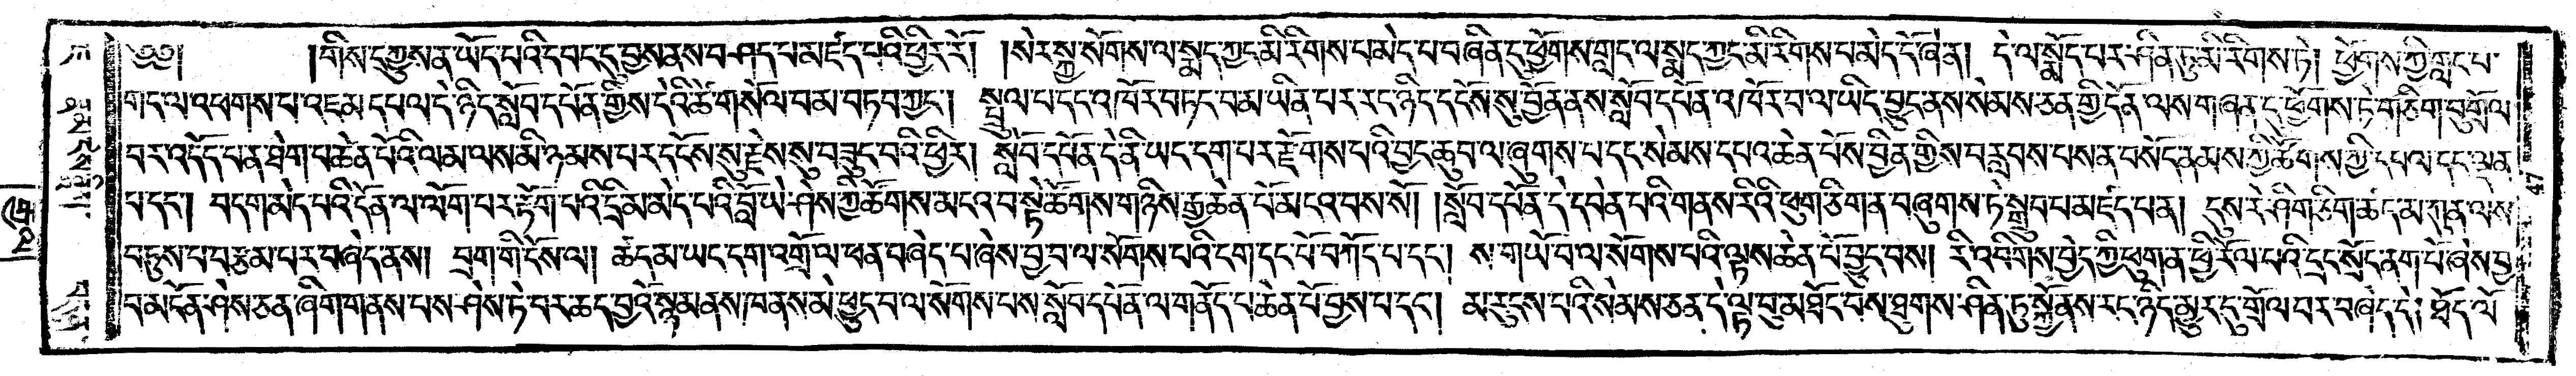༄༅། །གིས་དཀྱུས་ན་ཡོད་པའི་དབང་དུ་བྱས་ནས་བཤད་པ་མཛད་པའི་ཕྱིར་རོ། །སེར་སྐྱ་སོགས་ལ་སྨད་ཀྱང་མི་རིགས་པ་མེད་པ་བཞིན་དུ་ཕྱོགས་གླང་ལ་སྨད་ཀྱང་མི་རིགས་པ་མེད་དོ་ཞེ་ན། དེ་ལ་སྨོད་པར་ཤིན་ཏུ་མི་རིགས་ཏེ། ཕྱོགས་ཀྱི་གླང་པ་
གང་ལ་འཕགས་པ་འཇམ་དཔལ་དེ་ཉིད་སློབ་དཔོན་གྱིས་དེའི་ཚེ་གསོལ་བ་མ་བཏབ་ཀྱང་། སྤྲུལ་པ་དང་འཁོར་བཏང་བ་མ་ཡིན་པར་རང་ཉིད་དངོས་སུ་བྱོན་ནས་སློབ་དཔོན་འཁོར་བ་ལ་ཡིད་བྱུང་ནས་སེམས་ཅན་གྱི་དོན་ལས་གཞན་དུ་ཕྱོགས་ཏེ་གཅིག་པུ་གྲོལ་
བར་འདོད་པ་ན་ཐེག་པ་ཆེན་པོའི་ལམ་ལས་མི་ཉམས་པར་དངོས་སུ་རྗེས་སུ་བཟུང་བའི་ཕྱིར། སློབ་དཔོན་དེ་ནི་ཡང་དག་པར་རྫོགས་པའི་བྱང་ཆུབ་ལ་ཞུགས་པ་དང་སེམས་དཔའ་ཆེན་པོས་བྱིན་གྱིས་བརླབས་པས་ན་བསོད་ནམས་ཀྱི་ཚོགས་ཀྱི་དཔལ་དང་ལྡན་
པ་དང་། བདག་མེད་པའི་དོན་ལ་ལོག་པར་རྟོག་པའི་དྲི་མ་མེད་པའི་བློ་ཡེ་ཤེས་ཀྱི་ཚོགས་མངའ་བ་སྟེ་ཚོགས་གཉིས་རྒྱ་ཆེན་པོ་མངའ་བས་སོ། །སློབ་དཔོན་དེ་དབེན་པའི་གནས་རིའི་ཕུག་ཅིག་ན་བཞུགས་ཏེ་སྒྲུབ་པ་མཛད་པ་ན། དུས་རེ་ཤིག་ཅིག་ཚད་མ་ཀུན་ལས་
བཏུས་པ་བརྩམ་པར་བཞེད་ནས། བྲག་གི་ངོས་ལ། ཚད་མ་ཡང་དག་འགྲོ་ལ་ཕན་བཞེད་པ་ཞེས་བྱ་བ་ལ་སོགས་པའི་ངག་དང་པོ་བཀོད་པ་དང་། ས་གཡོ་བ་ལ་སོགས་པའི་ལྟས་ཆེན་པོ་བྱུང་བས། རི་འབིགས་བྱེད་ཀྱི་ཕུག་ན་ཕྱི་རོལ་པའི་དྲང་སྲོང་ནག་པོ་ཞེས་བྱ་
བ་མངོན་ཤེས་ཅན་ཞིག་གནས་པས་ཤེས་ཏེ་བར་ཆད་བྱའོ་སྙམ་ནས་ཁ་ནས་མེ་ཕྱུང་བ་ལ་སོགས་པས་སློབ་དཔོན་ལ་གནོད་པ་ཆེན་པོ་བྱས་པ་དང་། མ་རུངས་པའི་སེམས་ཅན་དེ་ལྟ་བུ་མཐོང་བས་ཐུགས་ཤིན་ཏུ་སྐྱོ་ནས་རང་ཉིད་མྱུར་དུ་གྲོལ་བར་བཞེད་དེ། ཐོད་ལོ་